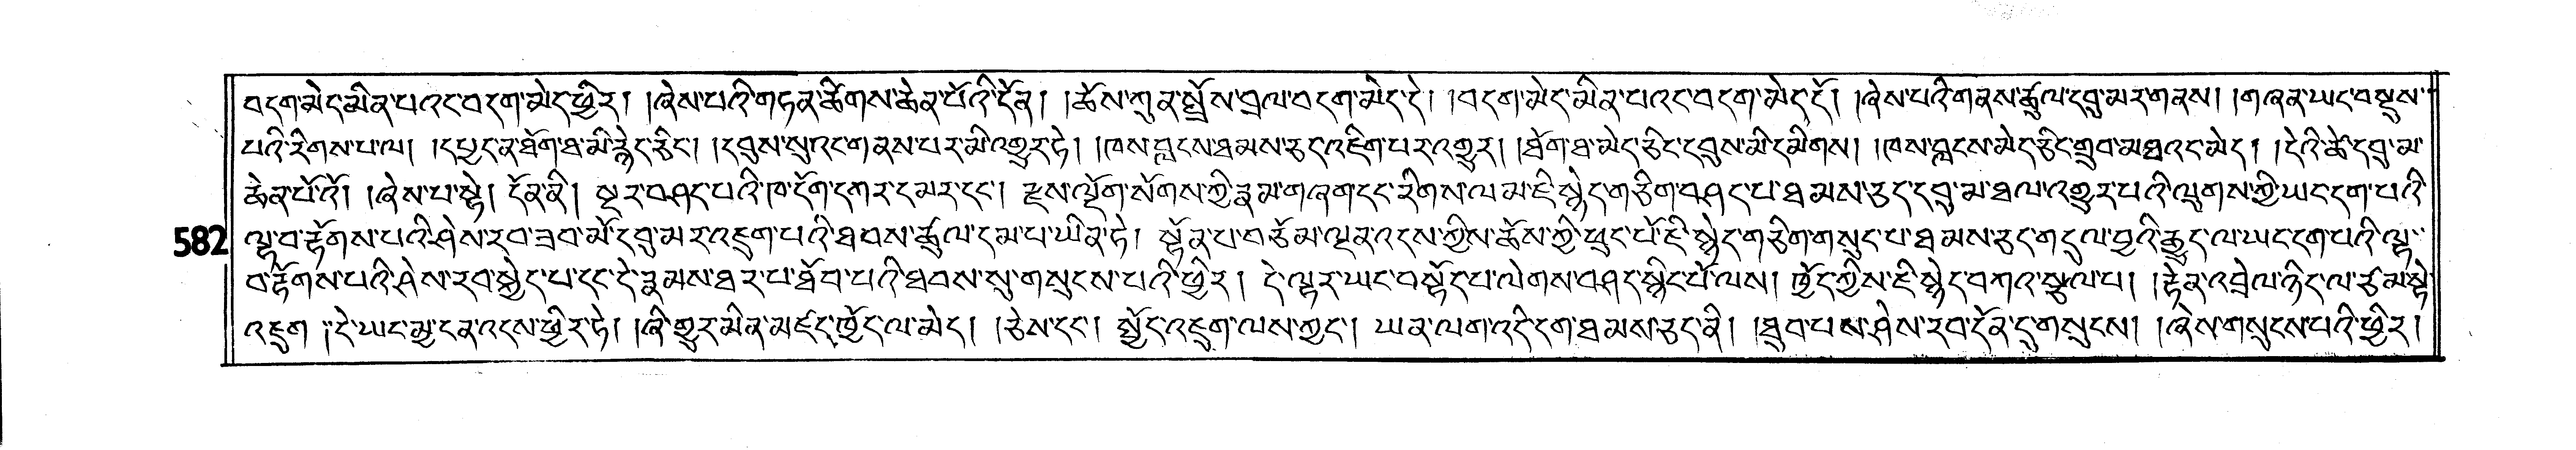བདག་མེད་མིན་པའང་བདག་མེད་ཕྱིར། །ཞེས་པའི་གཏན་ཚིགས་ཆེན་པོའི་དོན། །ཆོས་ཀུན་སྤྲོས་བྲལ་བདག་མེད་དེ། །བདག་མེད་མིན་པའང་བདག་མེད་དོ། །ཞེས་པའི་གནས་ཚུལ་དབུ་མར་གནས། །གཞན་ཡང་བསྡུས་
པའི་རིགས་པ་ལ། །དཔྱད་ན་ཐོག་ཐ་མི་རྙེད་ཅིང་། །དབུས་སུའང་གནས་པར་མི་འགྱུར་ཏེ། །ཁས་བླངས་ཐམས་ཅད་འཇིག་པར་འགྱུར། །ཐོག་ཐ་མེད་ཅིང་དབུས་མི་དམིགས། །ཁས་བླངས་མེད་ཅིང་གྲུབ་མཐའང་མེད། །དེའི་ཚེ་དབུ་མ་
ཆེན་པོའོ། །ཞེས་པ་སྟེ། དོན་ནི། སྔར་བཤད་པའི་ཁ་དོག་དཀར་དམར་དང་། རྫས་ལྡོག་སོགས་ཀྱི་རྣམ་གཞག་དང་རིགས་ལམ་ཇི་སྙེད་གཅིག་བཤད་པ་ཐམས་ཅད་དབུ་མ་ཐལ་འགྱུར་པའི་ལུགས་ཀྱི་ཡང་དག་པའི་
ལྟ་བ་རྟོགས་པའི་ཤེས་རབ་ཟབ་མོ་དབུ་མར་འཇུག་པའི་ཐབས་ཚུལ་དམ་པ་ཡིན་ཏེ། སྟོན་པ་བཅོམ་ལྡན་འདས་ཀྱིས་ཆོས་ཀྱི་ཕུང་པོ་ཇི་སྙེད་གཅིག་གསུང་པ་ཐམས་ཅད་གདུལ་བྱའི་རྒྱུད་ལ་ཡང་དག་པའི་ལྟ་
བ་རྟོགས་པའི་ཤེས་རབ་སྐྱེད་པ་དང་དེ་རྣམས་ཐར་པ་ཐོབ་པའི་ཐབས་སུ་གསུངས་པའི་ཕྱིར། དེ་ལྟར་ཡང་བསྟོད་པ་ལེགས་བཤད་སྙིང་པོ་ལས། ཁྱོད་ཀྱིས་ཇི་སྙེད་བཀའ་སྩལ་པ། །རྟེན་འབྲེལ་ཉིད་ལ་ཙམ་སྟེ་
འཇུག ༑དེ་ཡང་མྱ་ངན་འདས་ཕྱིར་ཏེ། །ཞི་གྱུར་མིན་མཛད་ཁྱོད་ལ་མེད། །ཅེས་དང་། སྤྱོད་འཇུག་ལས་ཀྱང་། ཡན་ལག་འདི་དག་ཐམས་ཅད་ནི། །ཐུབ་པས་ཤེས་རབ་དོན་དུ་གསུངས། །ཞེས་གསུངས་པའི་ཕྱིར།